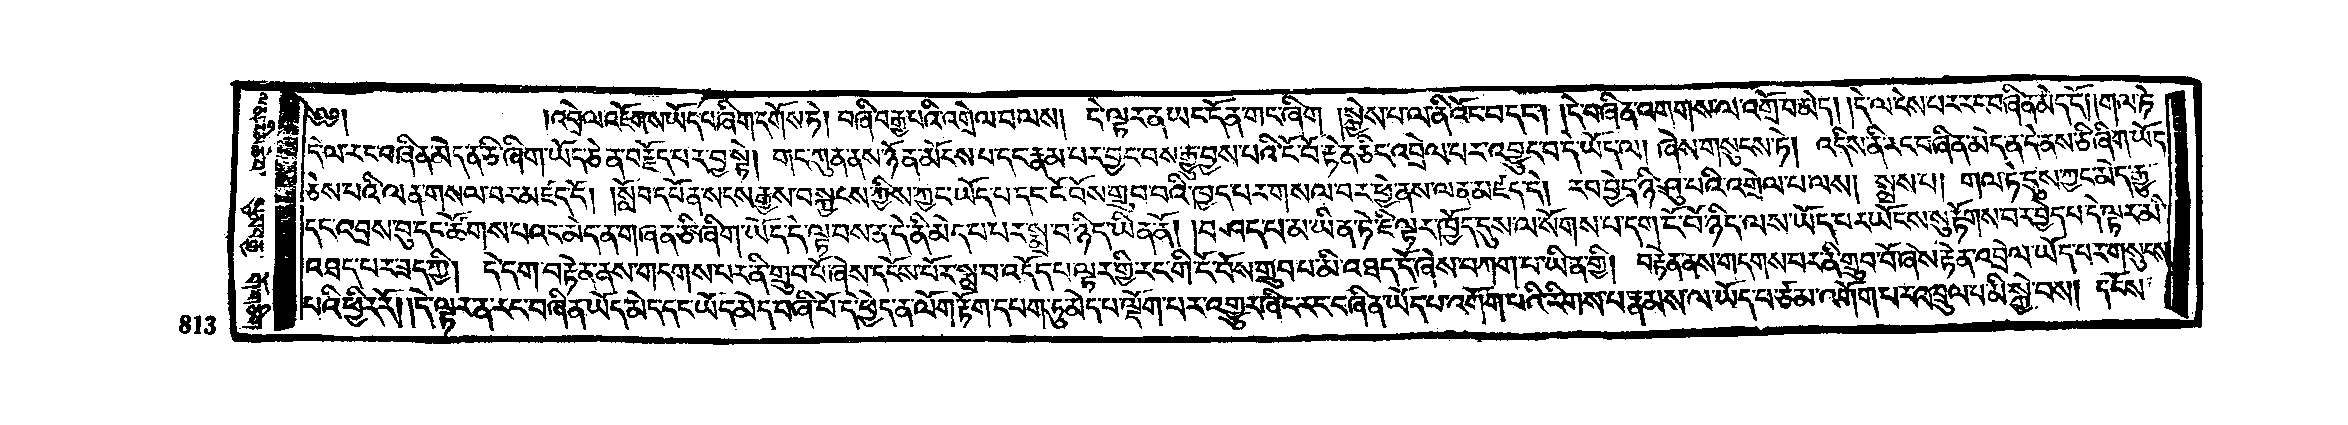༄༅། །འབྲེལ་འཇོགས་ཡོད་པ་ཞིག་དགོས་ཏེ། བཞི་བརྒྱ་པའི་འགྲེལ་པ་ལས། དེ་ལྟར་ན་ཡང་དོན་གང་ཞིག །སྐྱེས་པ་ལ་ནི་འོང་བ་དང་། །དེ་བཞིན་འགགས་ལ་འགྲོ་བ་མེད། །དེ་ལ་ངེས་པར་རང་བཞིན་མེད་དོ། །གལ་ཏེ་
དེ་ལ་རང་བཞིན་མེད་ན་ཅི་ཞིག་ཡོད་ཅེ་ན་བརྗོད་པར་བྱ་སྟེ། གང་ཀུན་ནས་ཉོན་མོངས་པ་དང་རྣམ་པར་བྱང་བས་རྒྱུ་བྱས་པའི་ངོ་བོ་རྟེན་ཅིང་འབྲེལ་པར་འབྱུང་བ་དེ་ཡོད་ལ། ཞེས་གསུངས་ཏེ། འདིས་ནི་རང་བཞིན་མེད་ན་དེ་ནས་ཅི་ཞིག་ཡོད་
ཅེས་པའི་ལན་གསལ་བར་མཛད་དོ། །སློབ་དཔོན་སངས་རྒྱས་བསྐྱངས་ཀྱིས་ཀྱང་ཡོད་པ་དང་ངོ་བོས་གྲུབ་པའི་ཁྱད་པར་གསལ་བར་ཕྱེ་ནས་ལན་མཛད་དེ། རབ་བྱེད་ཉི་ཤུ་པའི་འགྲེལ་པ་ལས། སྨྲས་པ། གལ་ཏེ་དུས་ཀྱང་མེད་རྒྱུ་
དང་འབྲས་བུ་དང་ཚོགས་པའང་མེད་ན་གཞན་ཅི་ཞིག་ཡོད་དེ་ལྟ་བས་ན་དེ་ནི་མེད་པ་པར་སྨྲ་བ་ཉིད་ཡིན་ནོ། །བཤད་པ་མ་ཡིན་ཏེ་ཇི་ལྟར་ཁྱོད་དུས་ལ་སོགས་པ་དག་ངོ་བོ་ཉིད་ལས་ཡོད་པར་ཡོངས་སུ་རྟོགས་པར་བྱེད་པ་དེ་ལྟར་མི་
འཐད་པར་ཟད་ཀྱི། དེ་དག་བརྟེན་ནས་གདགས་པར་ནི་གྲུབ་བོ་ཞེས་དངོས་པོར་སྨྲ་བ་འདོད་པ་ལྟར་གྱི་རང་གི་ངོ་བོས་གྲུབ་པ་མི་འཐད་དོ་ཞེས་བཀག་པ་ཡིན་གྱི། བརྟེན་ནས་གདགས་པར་ནི་གྲུབ་བོ་ཞེས་རྟེན་འབྲེལ་ཡོད་པར་གསུངས་
པའི་ཕྱིར་རོ། །དེ་ལྟར་ན་རང་བཞིན་ཡོད་མེད་དང་ཡོད་མེད་བཞི་པོ་དེ་ཕྱེད་ན་ལོག་རྟོག་དཔག་ཏུ་མེད་པ་ལྡོག་པར་འགྱུར་ཞིང་རང་བཞིན་ཡོད་པ་འགོག་པའི་རིགས་པ་རྣམས་ལ་ཡོད་པ་ཙམ་འགོག་པར་འཁྲུལ་པ་མི་སྐྱེ་བས། དངོས་